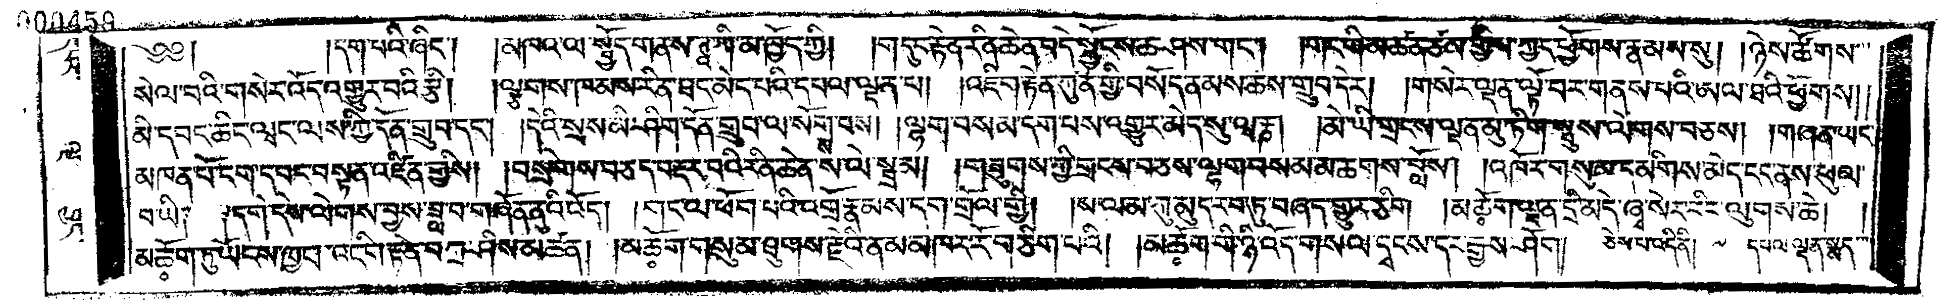༄༅། །དག་པའི་ཞིང་། །མཁའ་ལ་སྤྱོད་གནས་ཊཱ་ཀི་མ་ཁྱོད་ཀྱི། །གདུང་རྟེན་རིན་ཆེན་བདེ་སྐྱོངས་ཆ་ཤས་གང་། །གང་གི་མཚན་ཙམ་གྱིས་ཀྱང་ཕྱོགས་རྣམས་སུ། །ཉེས་ཚོགས་
སེལ་བའི་གསེར་འོད་འགྱུར་བའི་རྩི། །ལྕགས་ཁམས་རིན་ཐང་མེད་བའི་དཔལ་ལྡན་པ། །འཇིག་རྟེན་ཀུན་གྱི་བསོད་ནམས་ཆེས་གྲུབ་དེར། །གསེར་ལྡན་ལྟོ་བར་གནས་པའི་ཨལ་ཐའི་ཕྱོགས། །
མི་དབང་ཆིང་ཝང་ལས་ཀྱི་དོན་གྲུབ་དང་། །དེའི་སྲས་མི་ཤིག་དོན་གྲུབ་ལ་སོགས་པས། །ལྷག་བསམ་དག་པས་འགྱུར་མེད་སུ་ཝ་རྞ། །མེ་ཡི་གྲངས་ལྡན་མུ་ཏིག་སྤུས་ལེགས་བཅས། །གཞན་ཡང་
མཁན་པོ་ངག་དབང་བསྟན་འཛིན་གྱིས། །བསྲེགས་བཅད་བརྡར་བའི་རིན་ཆེན་ས་ལེ་སྦྲམ། །གཟུགས་ཀྱི་གྲངས་བཅས་ལྷག་བསམ་མ་ཆགས་བློས། །འཁོར་གསུམ་དམིགས་མེད་ངང་ནས་ཕུལ་
བ་ཡི། །དགེ་དེས་ལེགས་བྱས་ཟླ་བ་གཞོན་ནུའི་འོད། །གང་ལ་ཕོག་པའི་འགྲོ་རྣམས་དག་གྲོལ་གྱི། །ས་ལམ་ཀུ་མུད་རབ་ཏུ་བཞད་གྱུར་ཅིག །མཆོག྾་ལྡན་དྲི་མེད་ཞྭ་སེར་རིང་ལུགས་ཆེ། །
མཆོག྾་ཏུ་ཡོངས་ཁྱབ་འཇིག་རྟེན་བཀྲ་ཤིས་མཚན། །མཆོག྾་གསུམ་ཐུགས་རྗེའི་ནམ་མཁར་རོ་གཅིག་པའི། །མཆོག྾་གི་ཉི་འོད་གསལ་དྭངས་དར་རྒྱས་ཤོག །ཅེས་པ་འདི་ནི། ༧་དཔལ་ལྡན་སྨད་